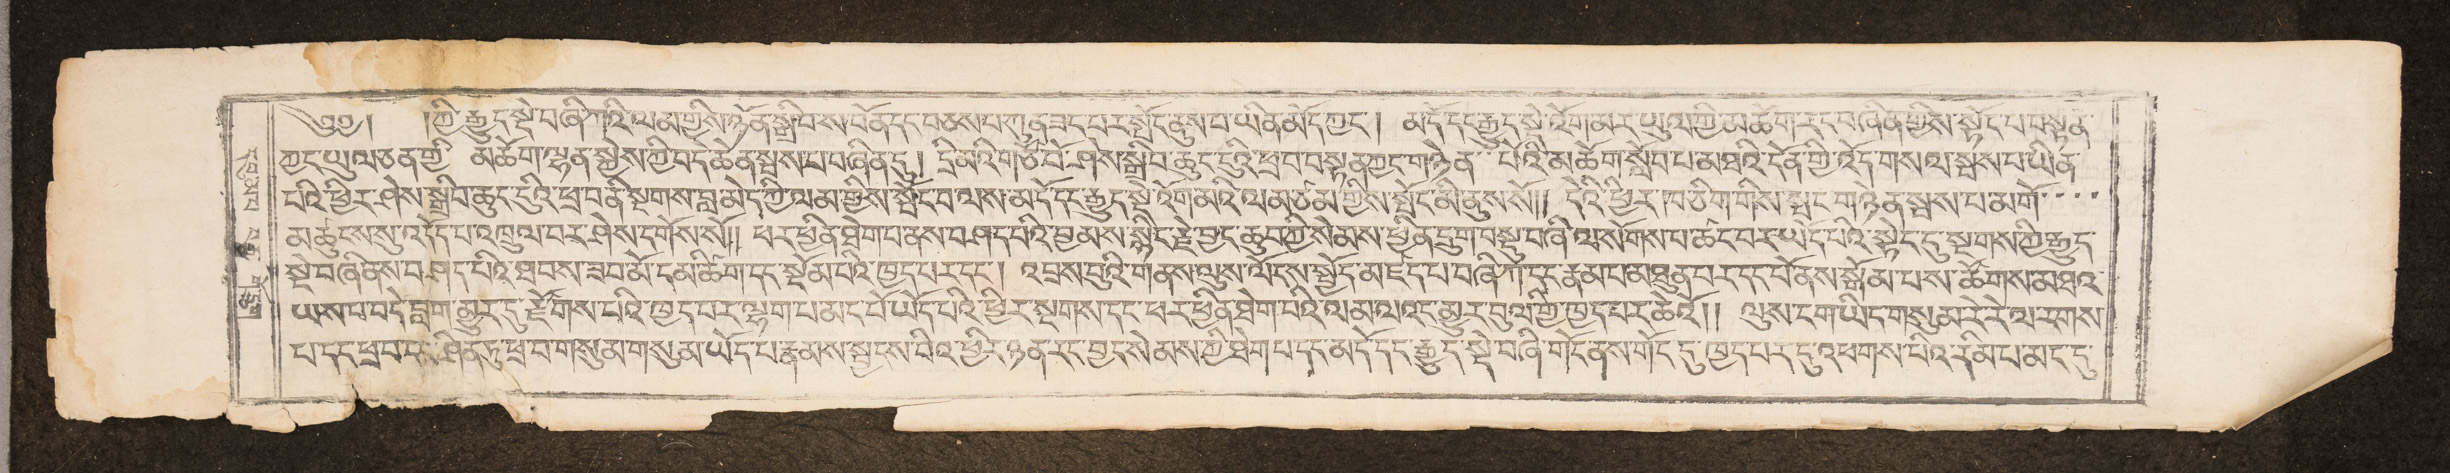༄༅། །ཀྱི་རྒྱུད་སྡེ་བཞི་ཀའི་ལམ་གྱིས་ཉོན་སྒྲིབ་ས་བོན་དང་བཅས་པ་ཀུན་ཟད་པར་སྤོང་ནུས་པ་ཡིན་མོད་ཀྱང་། མདོ་དང་རྒྱུད་སྡེ་འོག་མར་ཡུལ་གྱི་མཆོག་རང་བཞིན་གྱིས་སྟོང་པ་བསྟན་
ཀྱང་ཡུལ་ཅན་གྱི་མཆོག་ལྷན་སྐྱེས་ཀྱི་བདེ་ཆེན་སྦས་པ་བཞིན་དུ། དྲི་མའི་གཙོ་བོ་ཤེས་སྒྲིབ་ཆུང་ངུའི་ཕྲ་བ་བསྟན་ཀྱང་གཉེན་པོའི་མཆོག་སློབ་པ་མཐའི་དོན་གྱི་འོད་གསལ་སྦས་པ་ཡིན་
པའི་ཕྱིར་ཤེས་སྒྲིབ་ཆུང་ངུའི་ཕྲ་བ་ནི་སྔགས་བླ་མེད་ཀྱི་ལམ་གྱིས་སྤོང་བ་ལས་མདོ་དང་རྒྱུད་སྡེ་འོག་མའི་ལམ་ཙམ་གྱིས་སྤོང་མི་ནུས་སོ།། དེའི་ཕྱིར་ཁ་ཅིག་གིས་སྤང་གཉེན་སྦས་པ་མགོ་
མཚུངས་སུ་འདོད་པ་འཁྲུལ་པར་ཤེས་དགོས་སོ།། ཕར་ཕྱིན་ཐེག་པ་ནས་བཤད་པའི་བྱམས་སྙིང་རྗེ་བྱང་ཆུབ་ཀྱི་སེམས་ཕྱིན་དྲུག་བསྡུ་བཞི་ལ་སོགས་པ་ཚང་བར་ཡོད་པའི་སྟེང་དུ་སྔགས་ཀྱི་རྒྱུད་
སྡེ་བཞི་ནས་བཤད་པའི་ཐབས་ཟབ་མོ་དམ་ཚིག་དང་སྡོམ་པའི་ཁྱད་པར་དང་། འབྲས་བུའི་གནས་ལུས་ལོངས་སྤྱོད་མཛད་པ་བཞི་ཀ་དང་རྣམ་པ་མཐུན་པར་དང་པོ་ནས་སྒོམ་པས་ཚོགས་མཐའ་
ཡས་པ་བདེ་བླག་མྱུར་དུ་རྫོགས་པའི་ཁྱད་པར་ལྷག་པ་མང་པོ་ཡོད་པའི་ཕྱིར་སྔགས་དང་ཕར་ཕྱིན་ཐེག་པའི་ལམ་ལའང་མྱུར་བུལ་གྱི་ཁྱད་པར་ཆེའོ།། ལུས་ངག་ཡིད་གསུམ་རེ་རེ་ལ་རགས་པ་
དང་ཕྲ་བ་དང་ཤིན་ཏུ་ཕྲ་བ་གསུམ་གསུམ་ཡོད་པ་རྣམས་སྦྱངས་པའི་ཕྱིར་ཉན་རང་བྱང་སེམས་ཀྱི་ཐེག་པ་དང་མདོ་དང་རྒྱུད་སྡེ་བཞི་གོང་ནས་གོང་དུ་ཁྱད་པར་དུ་འཕགས་པའི་རིམ་པ་མང་དུ་